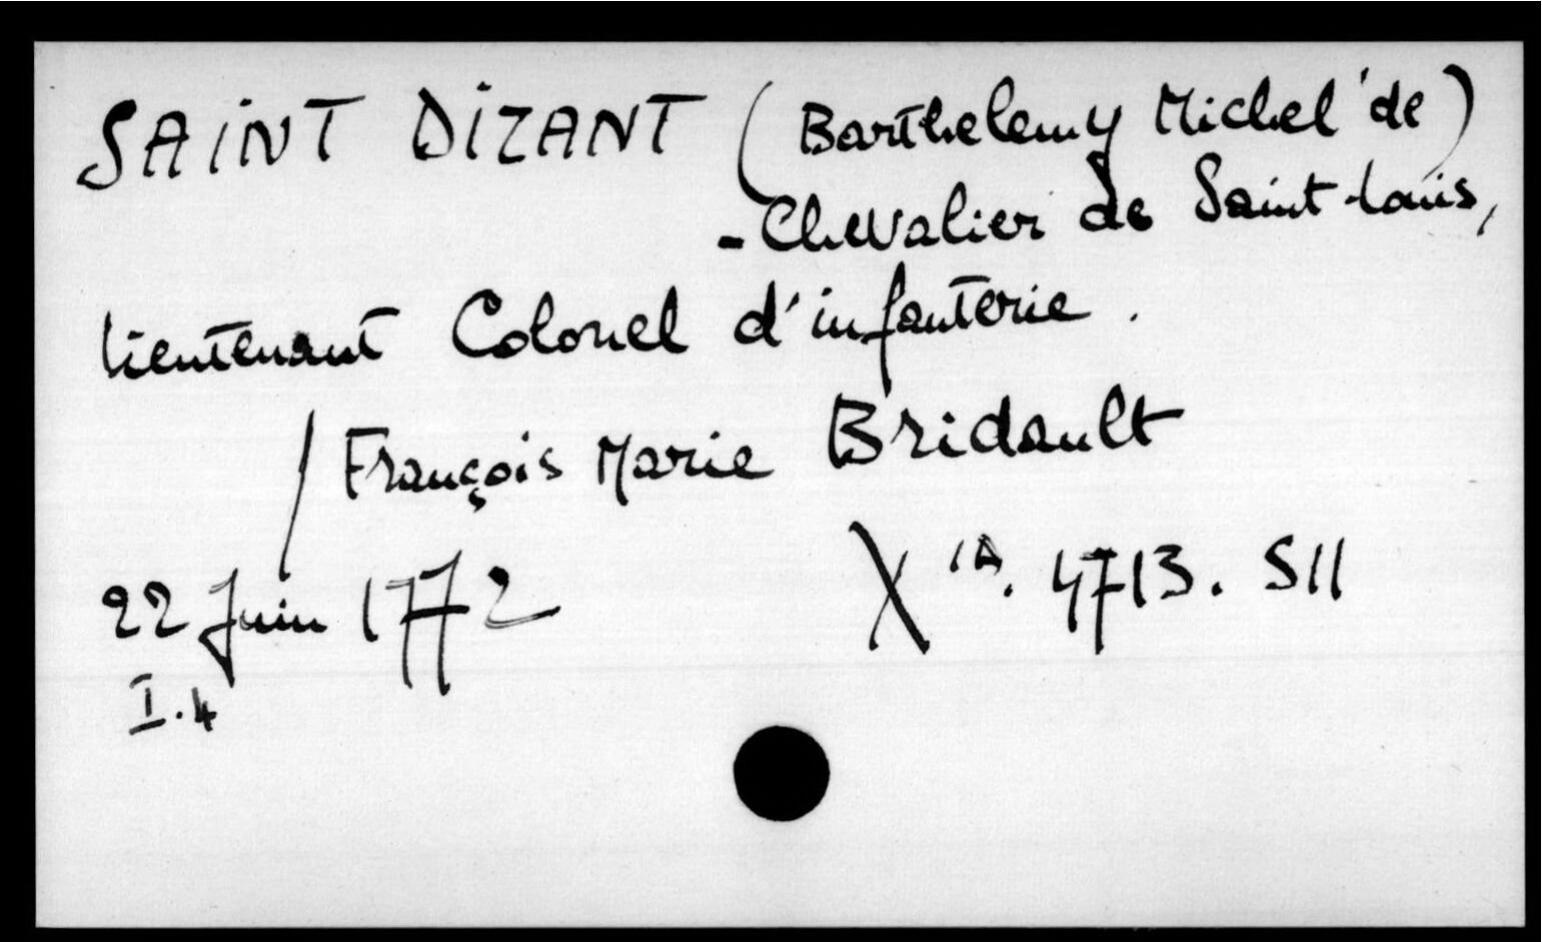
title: SAINT DIZANT (Barthélemy Michel de) chevalier de Saint-Laris, Lientenant Colonel d'infanterie
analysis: Contre François Marie Bridault
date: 22 juin 1772
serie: X1A
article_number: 4713
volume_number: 511
